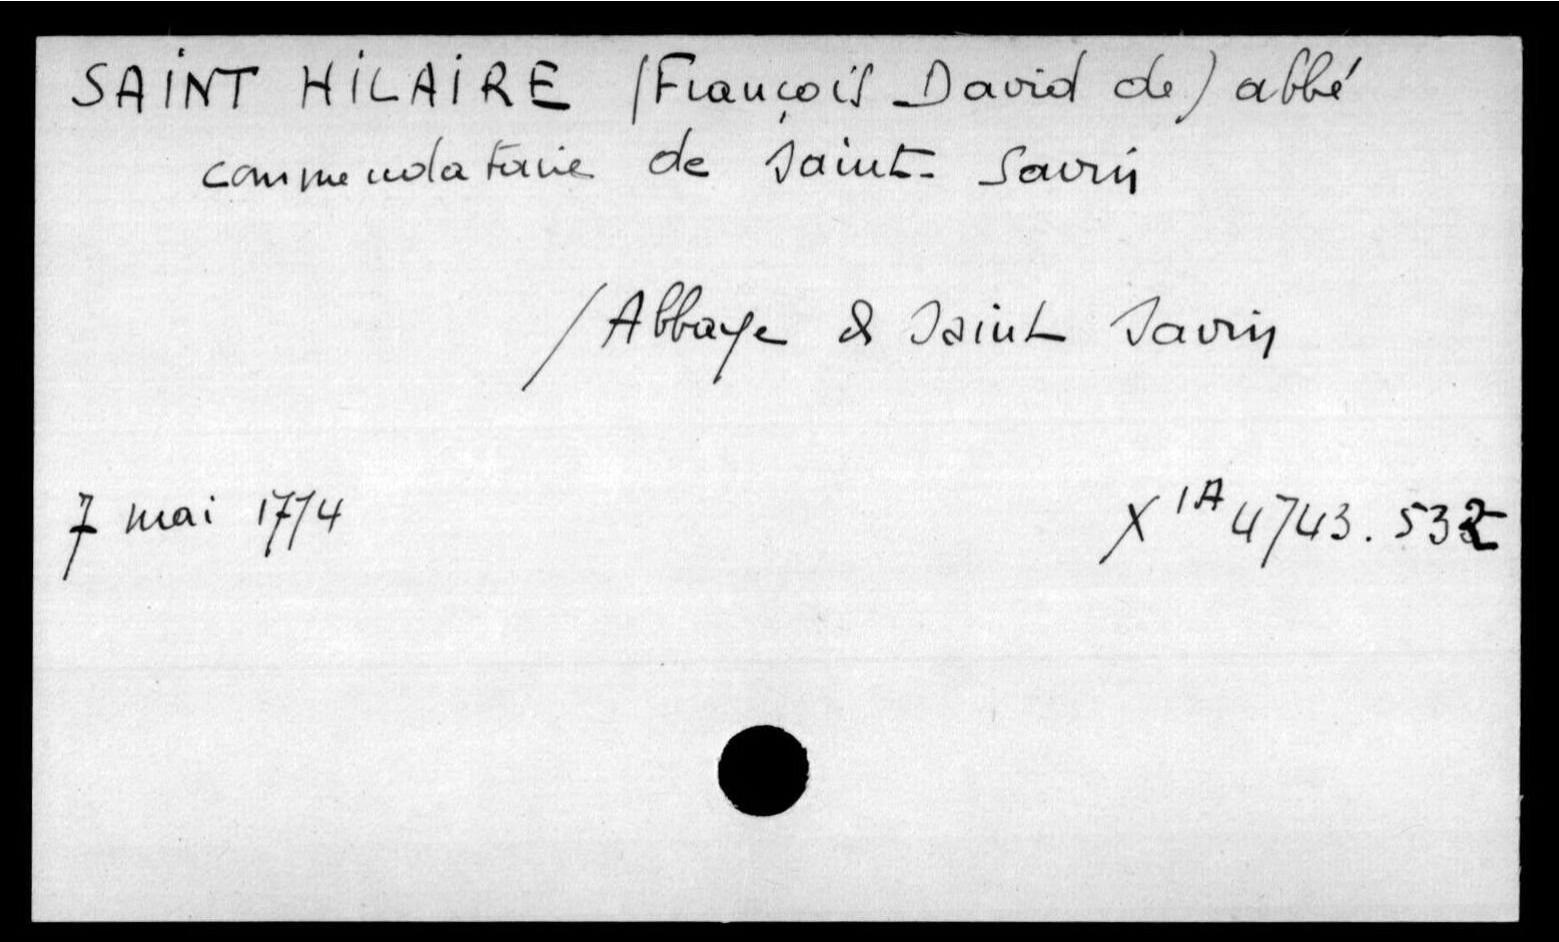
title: SAINT HILAIRE (François David de) abbé commendataire de Saint-Savin
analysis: Contre Abbaye de Saint Savrin
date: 7 mai 1774
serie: X1A
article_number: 4743
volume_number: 532
